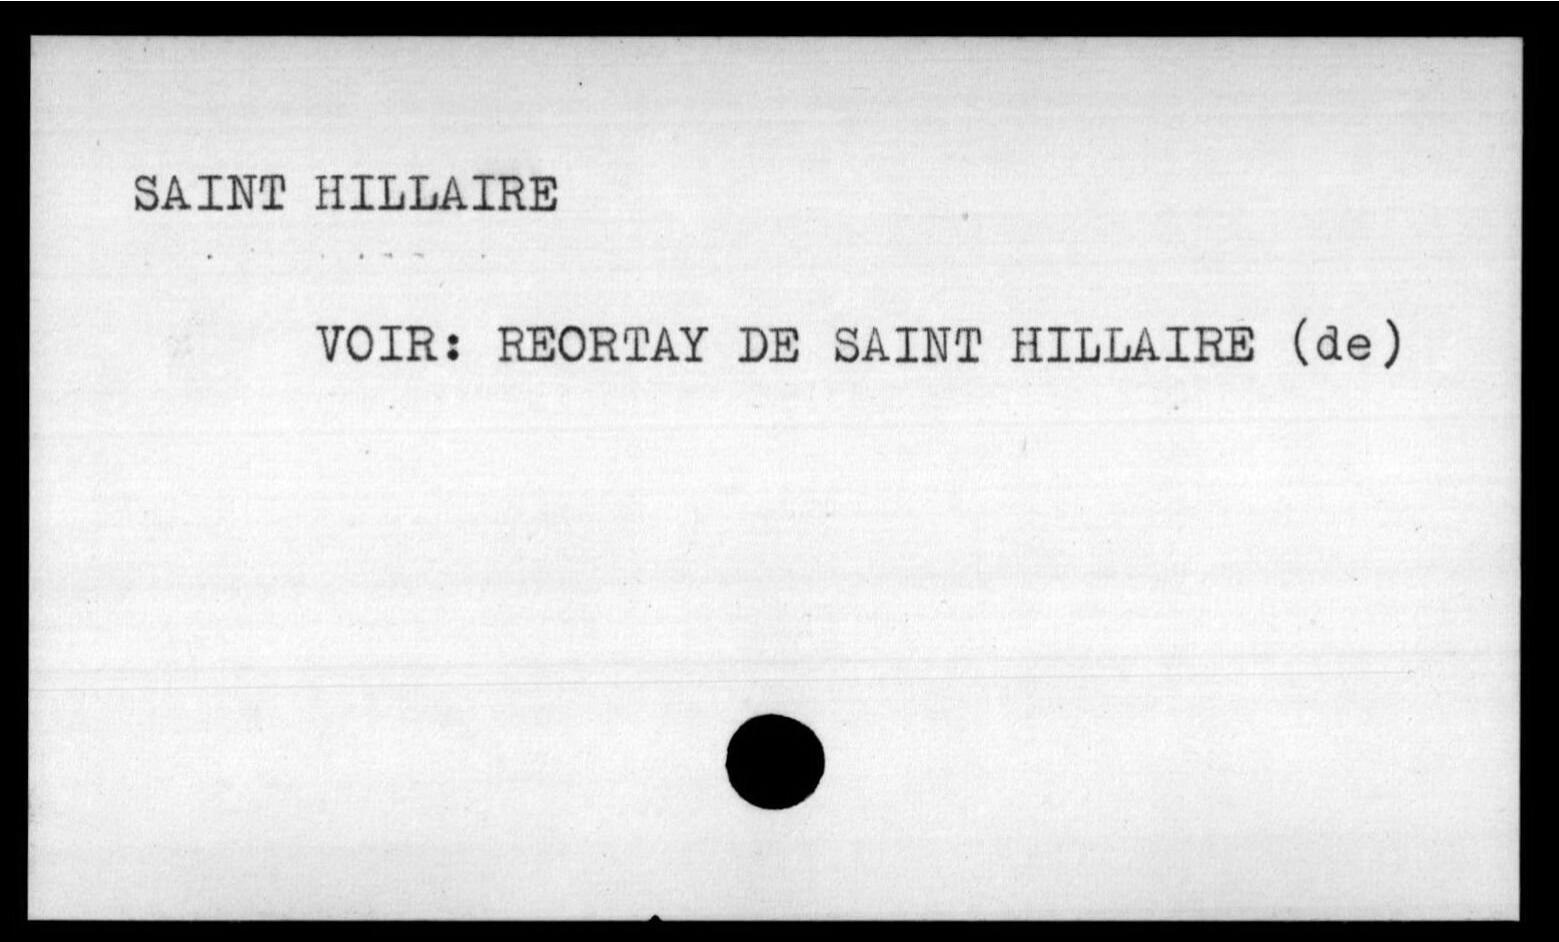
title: SAINT HILLAIRE
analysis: Voir : REORTAY DE SAINT-HILLAIRE (de)
